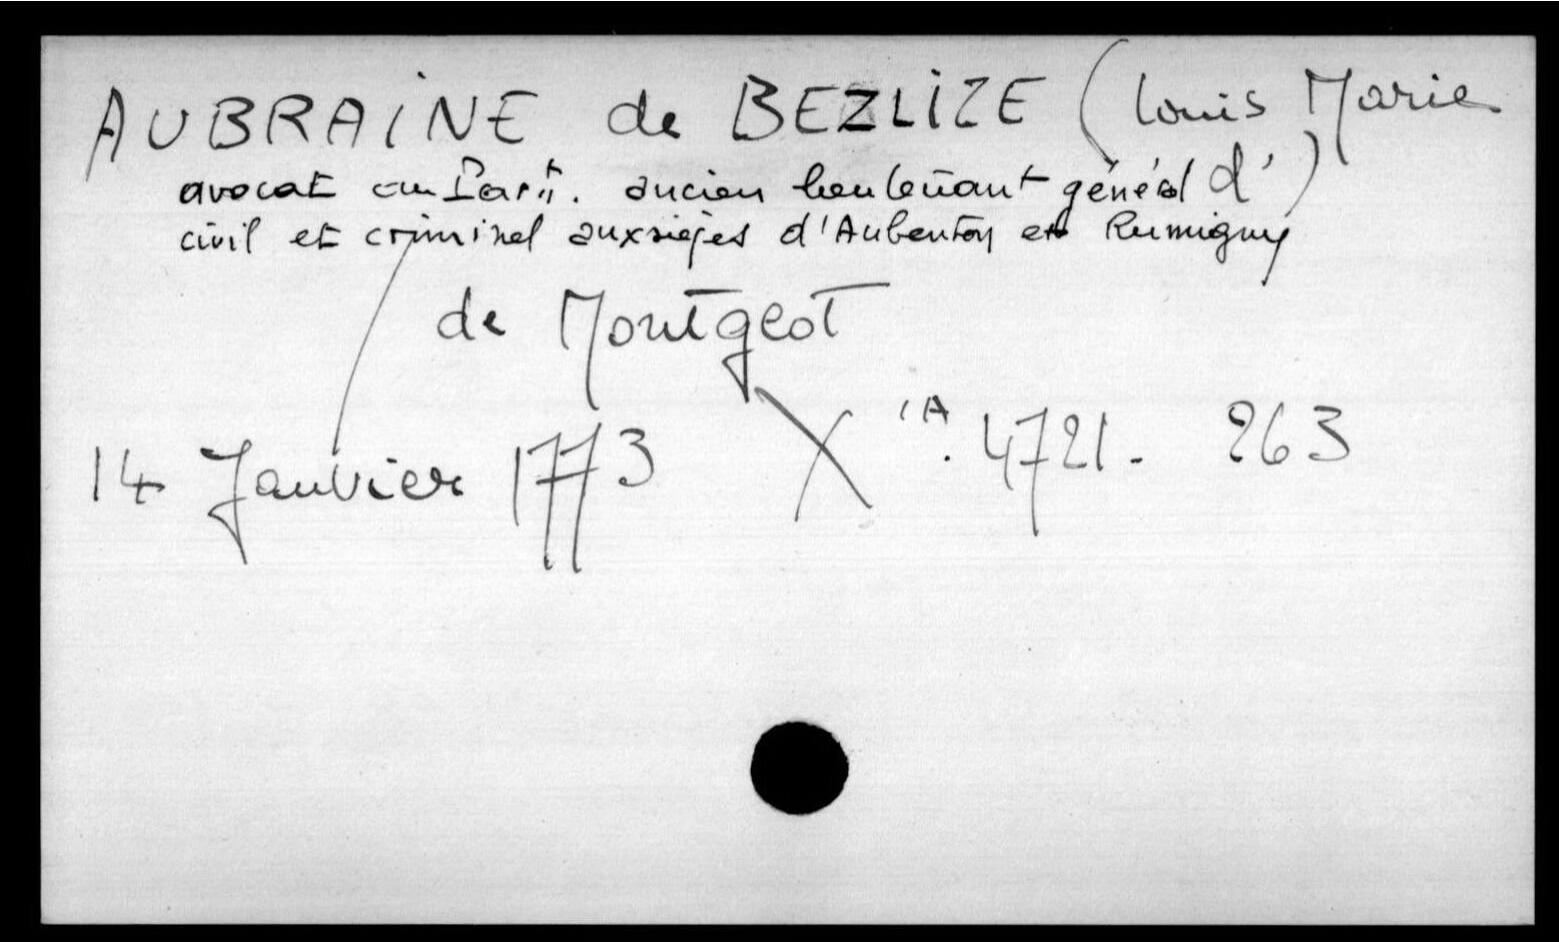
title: AUBRAINE de BEZLIZE (Louis Marie d') avocat au Parlement, ancien lieutenant général civil et criminel aux sièges d'Aubenton et Rumigny
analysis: Contre de Montgeot
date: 14 janvier 1773
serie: X1A
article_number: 4721
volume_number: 263
